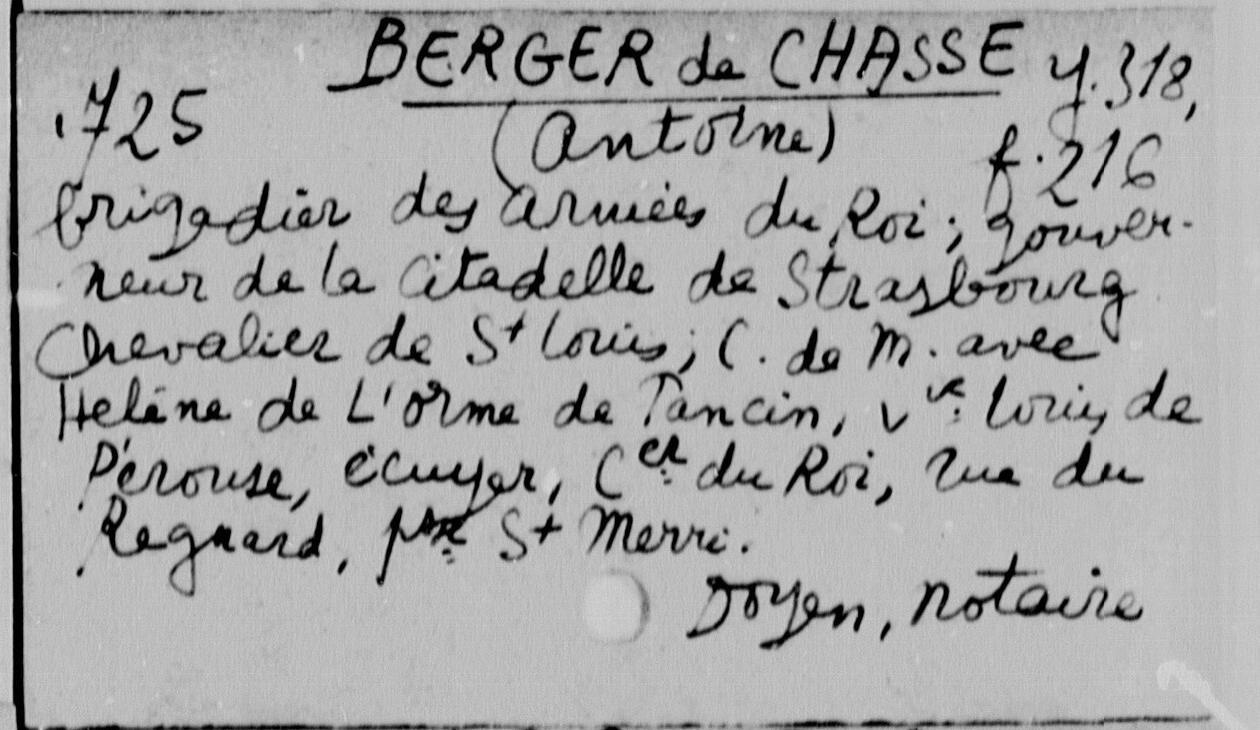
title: BERGER de CHASSE (Antoine)
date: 1725
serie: Y
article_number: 318
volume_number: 216
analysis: brigadier des armées du roi, gouverneur de la citadelle de Strasbourg Chevalier de Saint Louis Contrat de mariage avec Hélène de L'Orme de Tancin, veuve Louis de Pérouse, écuyer, conseiller du roi, rue du Reguard, paroisse Saint-Merri Doyen, notaire
